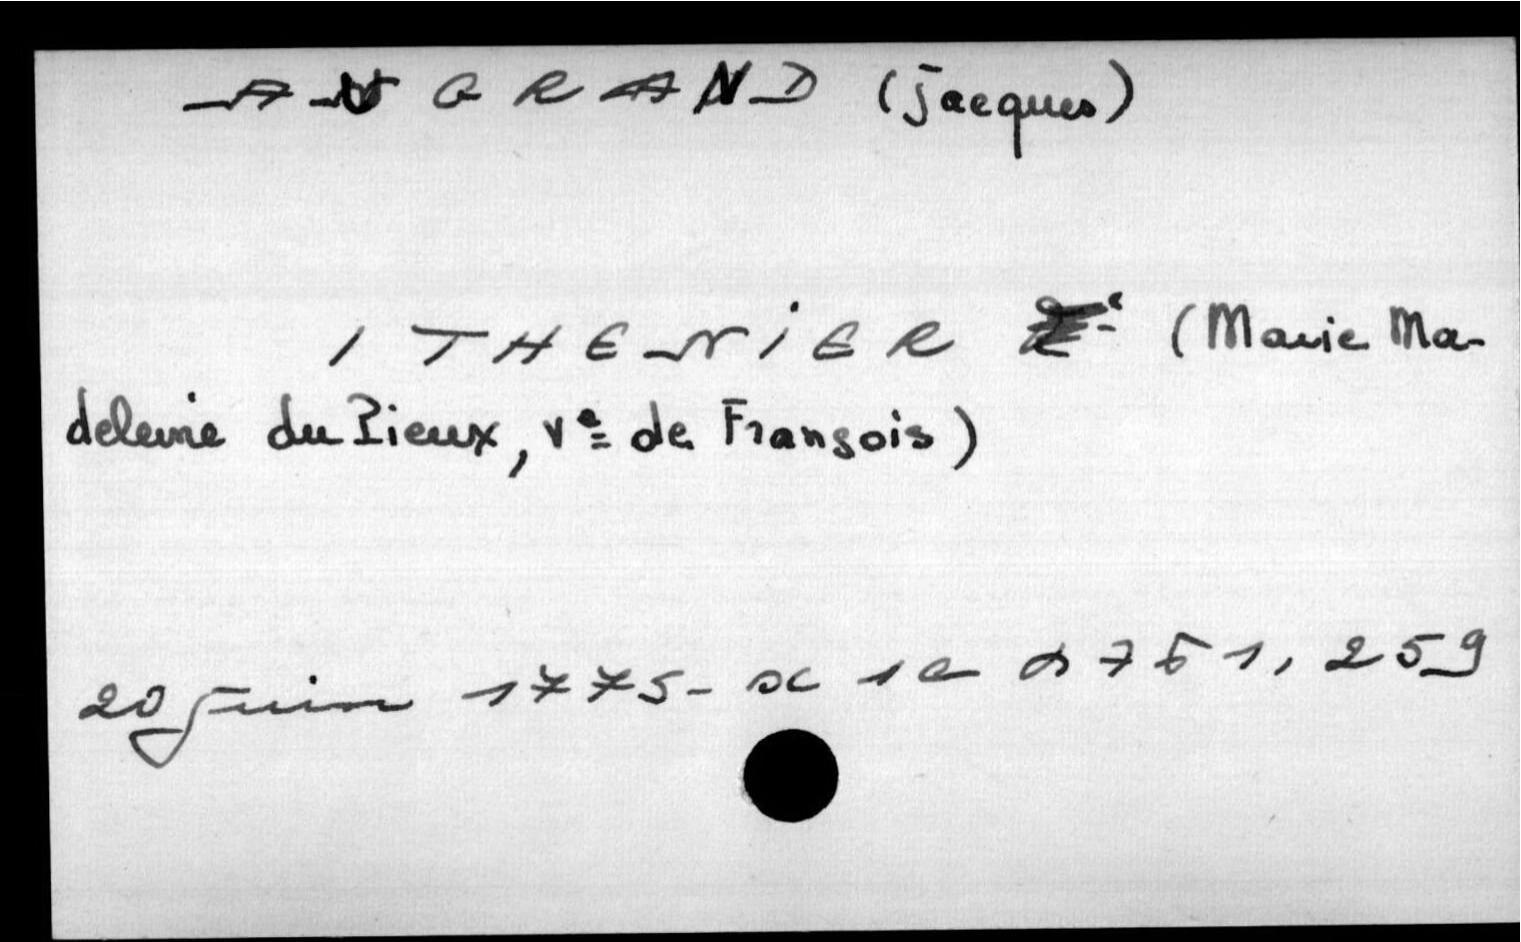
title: AUGRAND (Jacques)
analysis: Contre THENIER (Marie Madeleine du Pieux, veuve de François)
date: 20 juin 1775
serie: X1A
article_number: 4761
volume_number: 259
